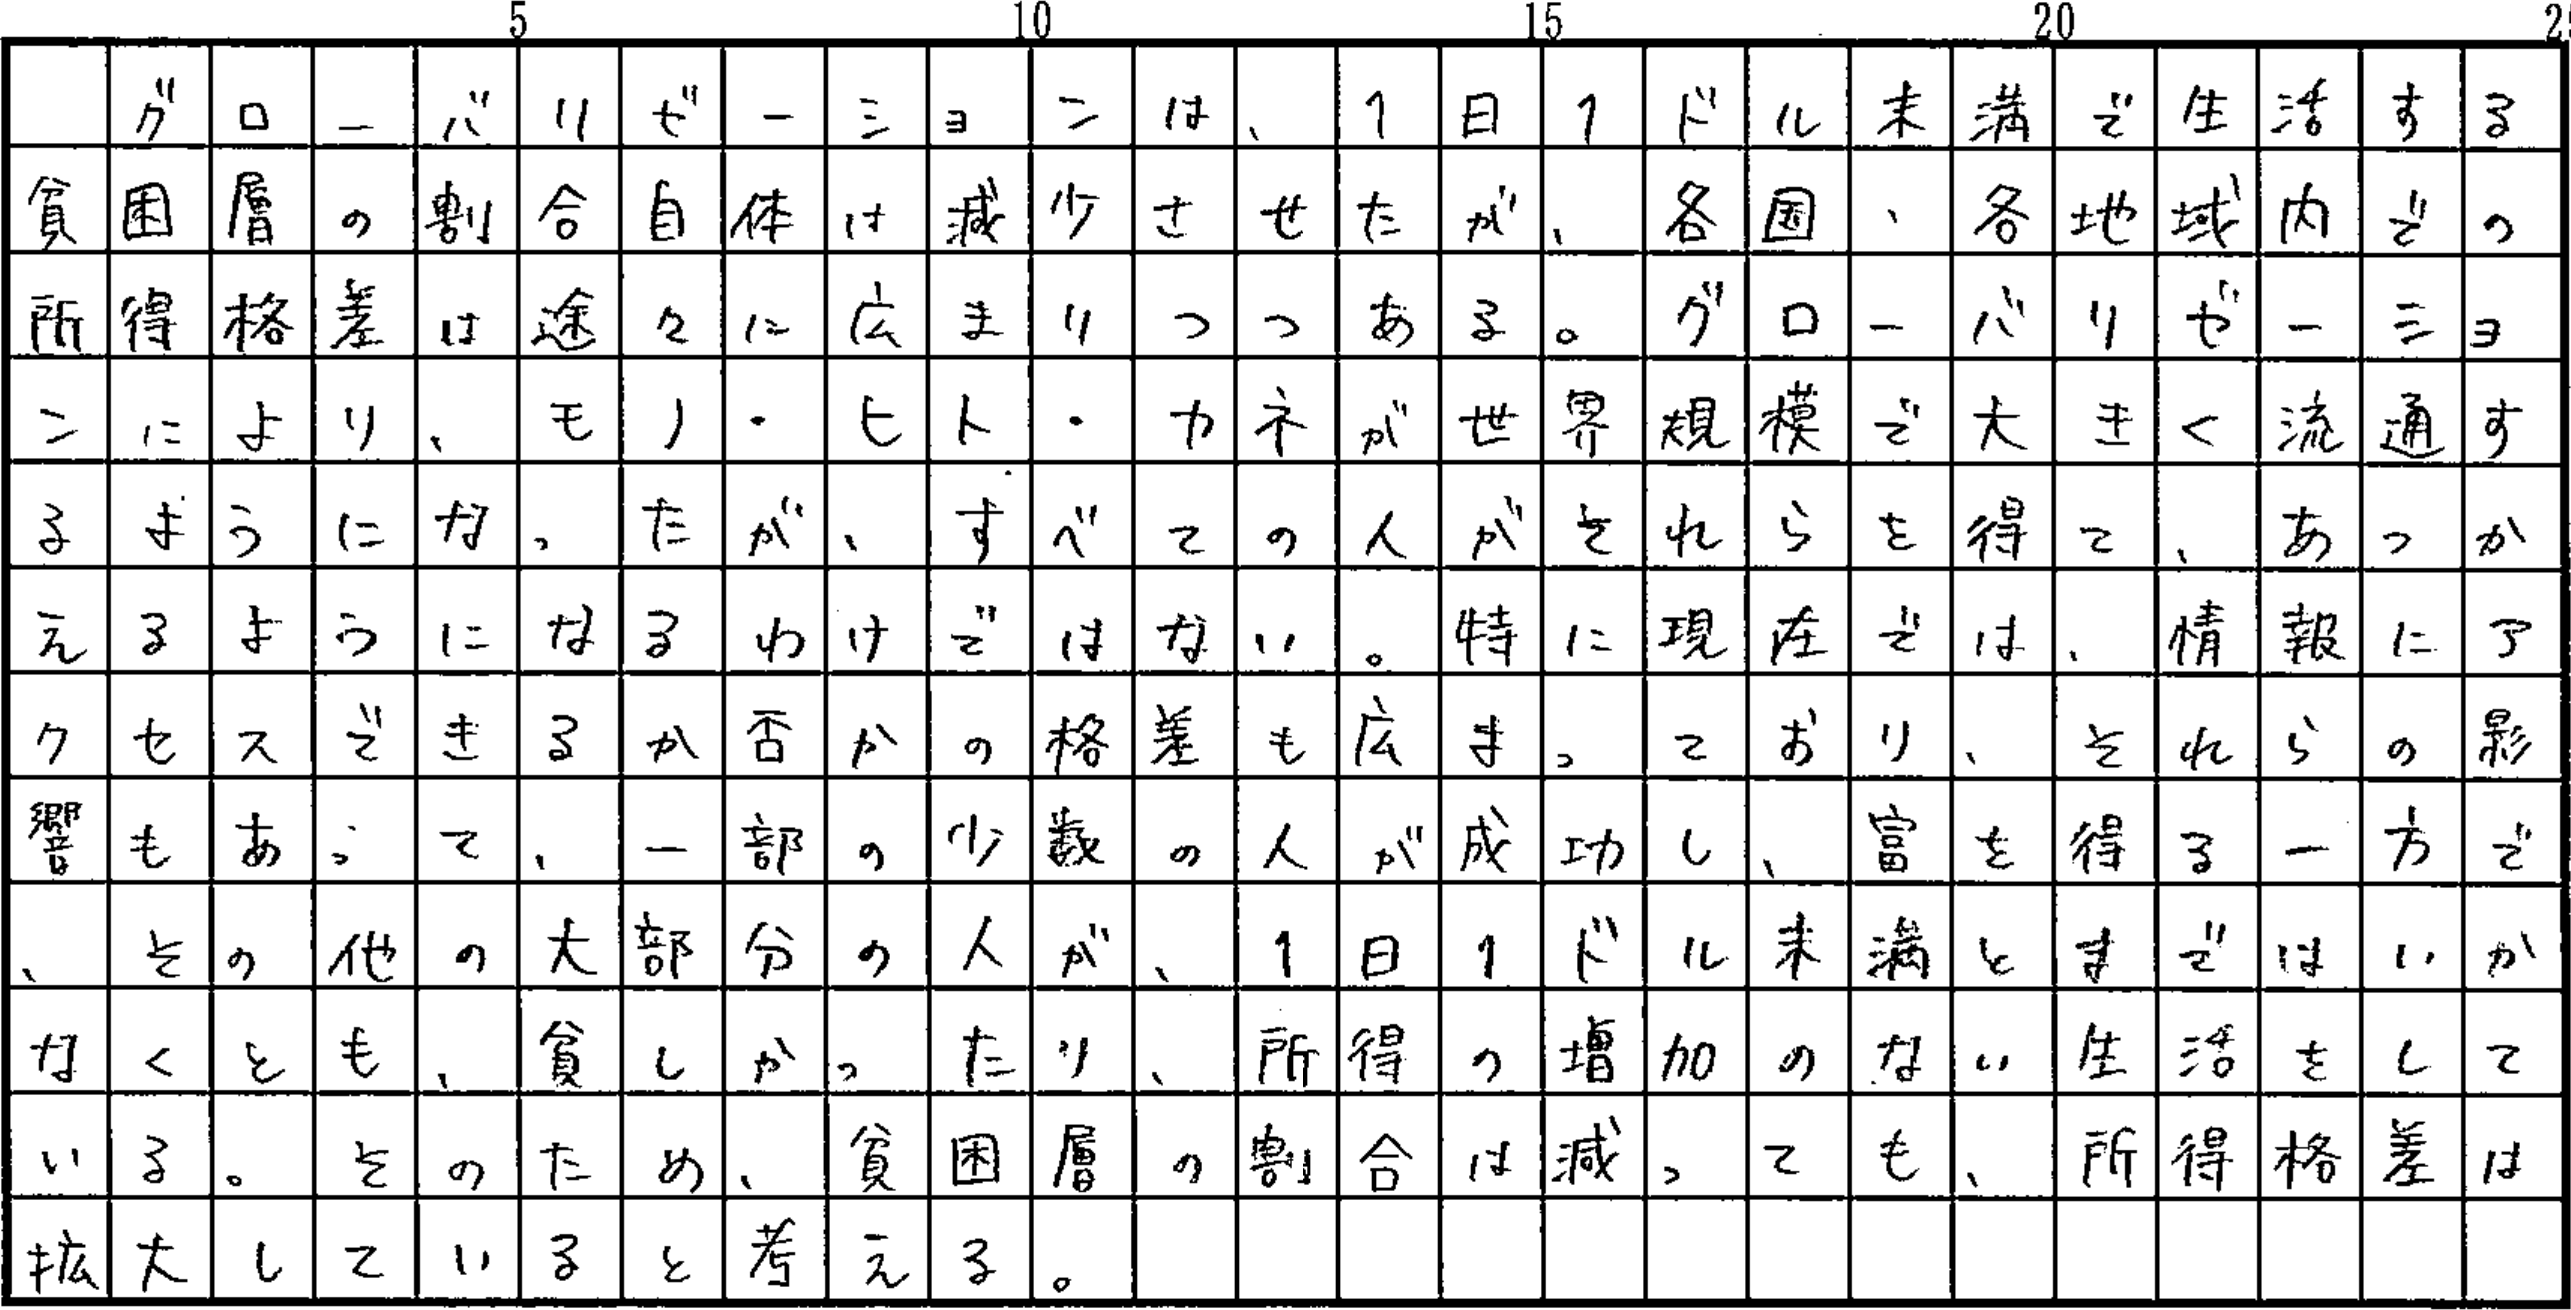　グローバリゼーションは、１日１ドル未満で生活する貧困層の割合自体は減少させたが、各国・各地域内での所得格差は途々に広まりつつある。グローバリゼーションにより、モノ・ヒト・カネが世界規模で大きく流通するようになったが、すべての人がそれらを得て、あつかえるようになるわけではない。特に現在では、情報にアクセスできるか否かの格差も広まっており、それらの影響もあって、一部の少数の人が成功し、富を得る一方で、その他の大部分の人が、１日１ドル未満とまではいかなくとも、貧しかったり、所得の増加のない生活をしている。そのため、貧困層の割合は減っても、所得格差は拡大していると考える。
